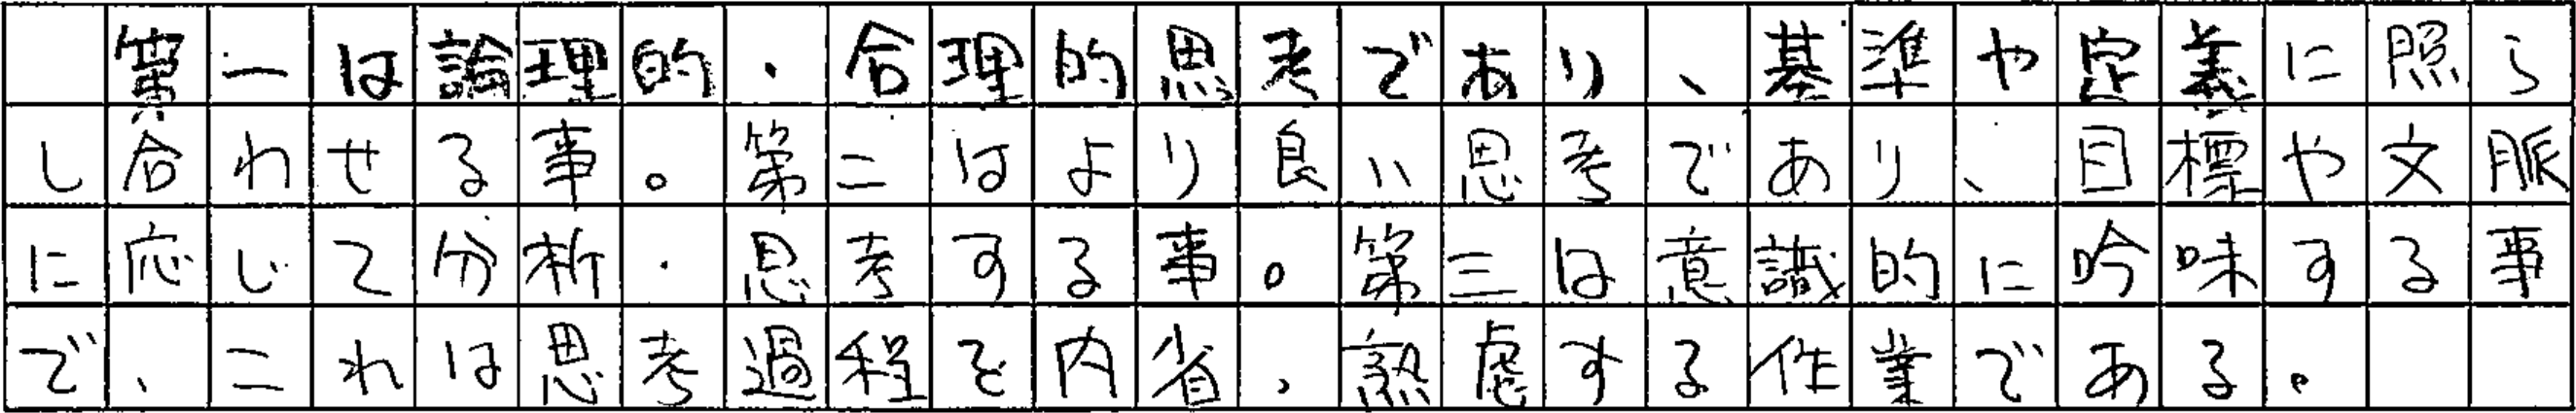　第一は論理的・合理的思考であり、基準や定義に照らし合わせる事。第二はより良い思考であり、目標や文脈に応じて分析・思考する事。第三は意識的に吟味する事で、これは思考過程を内省・熟慮する作業である。
